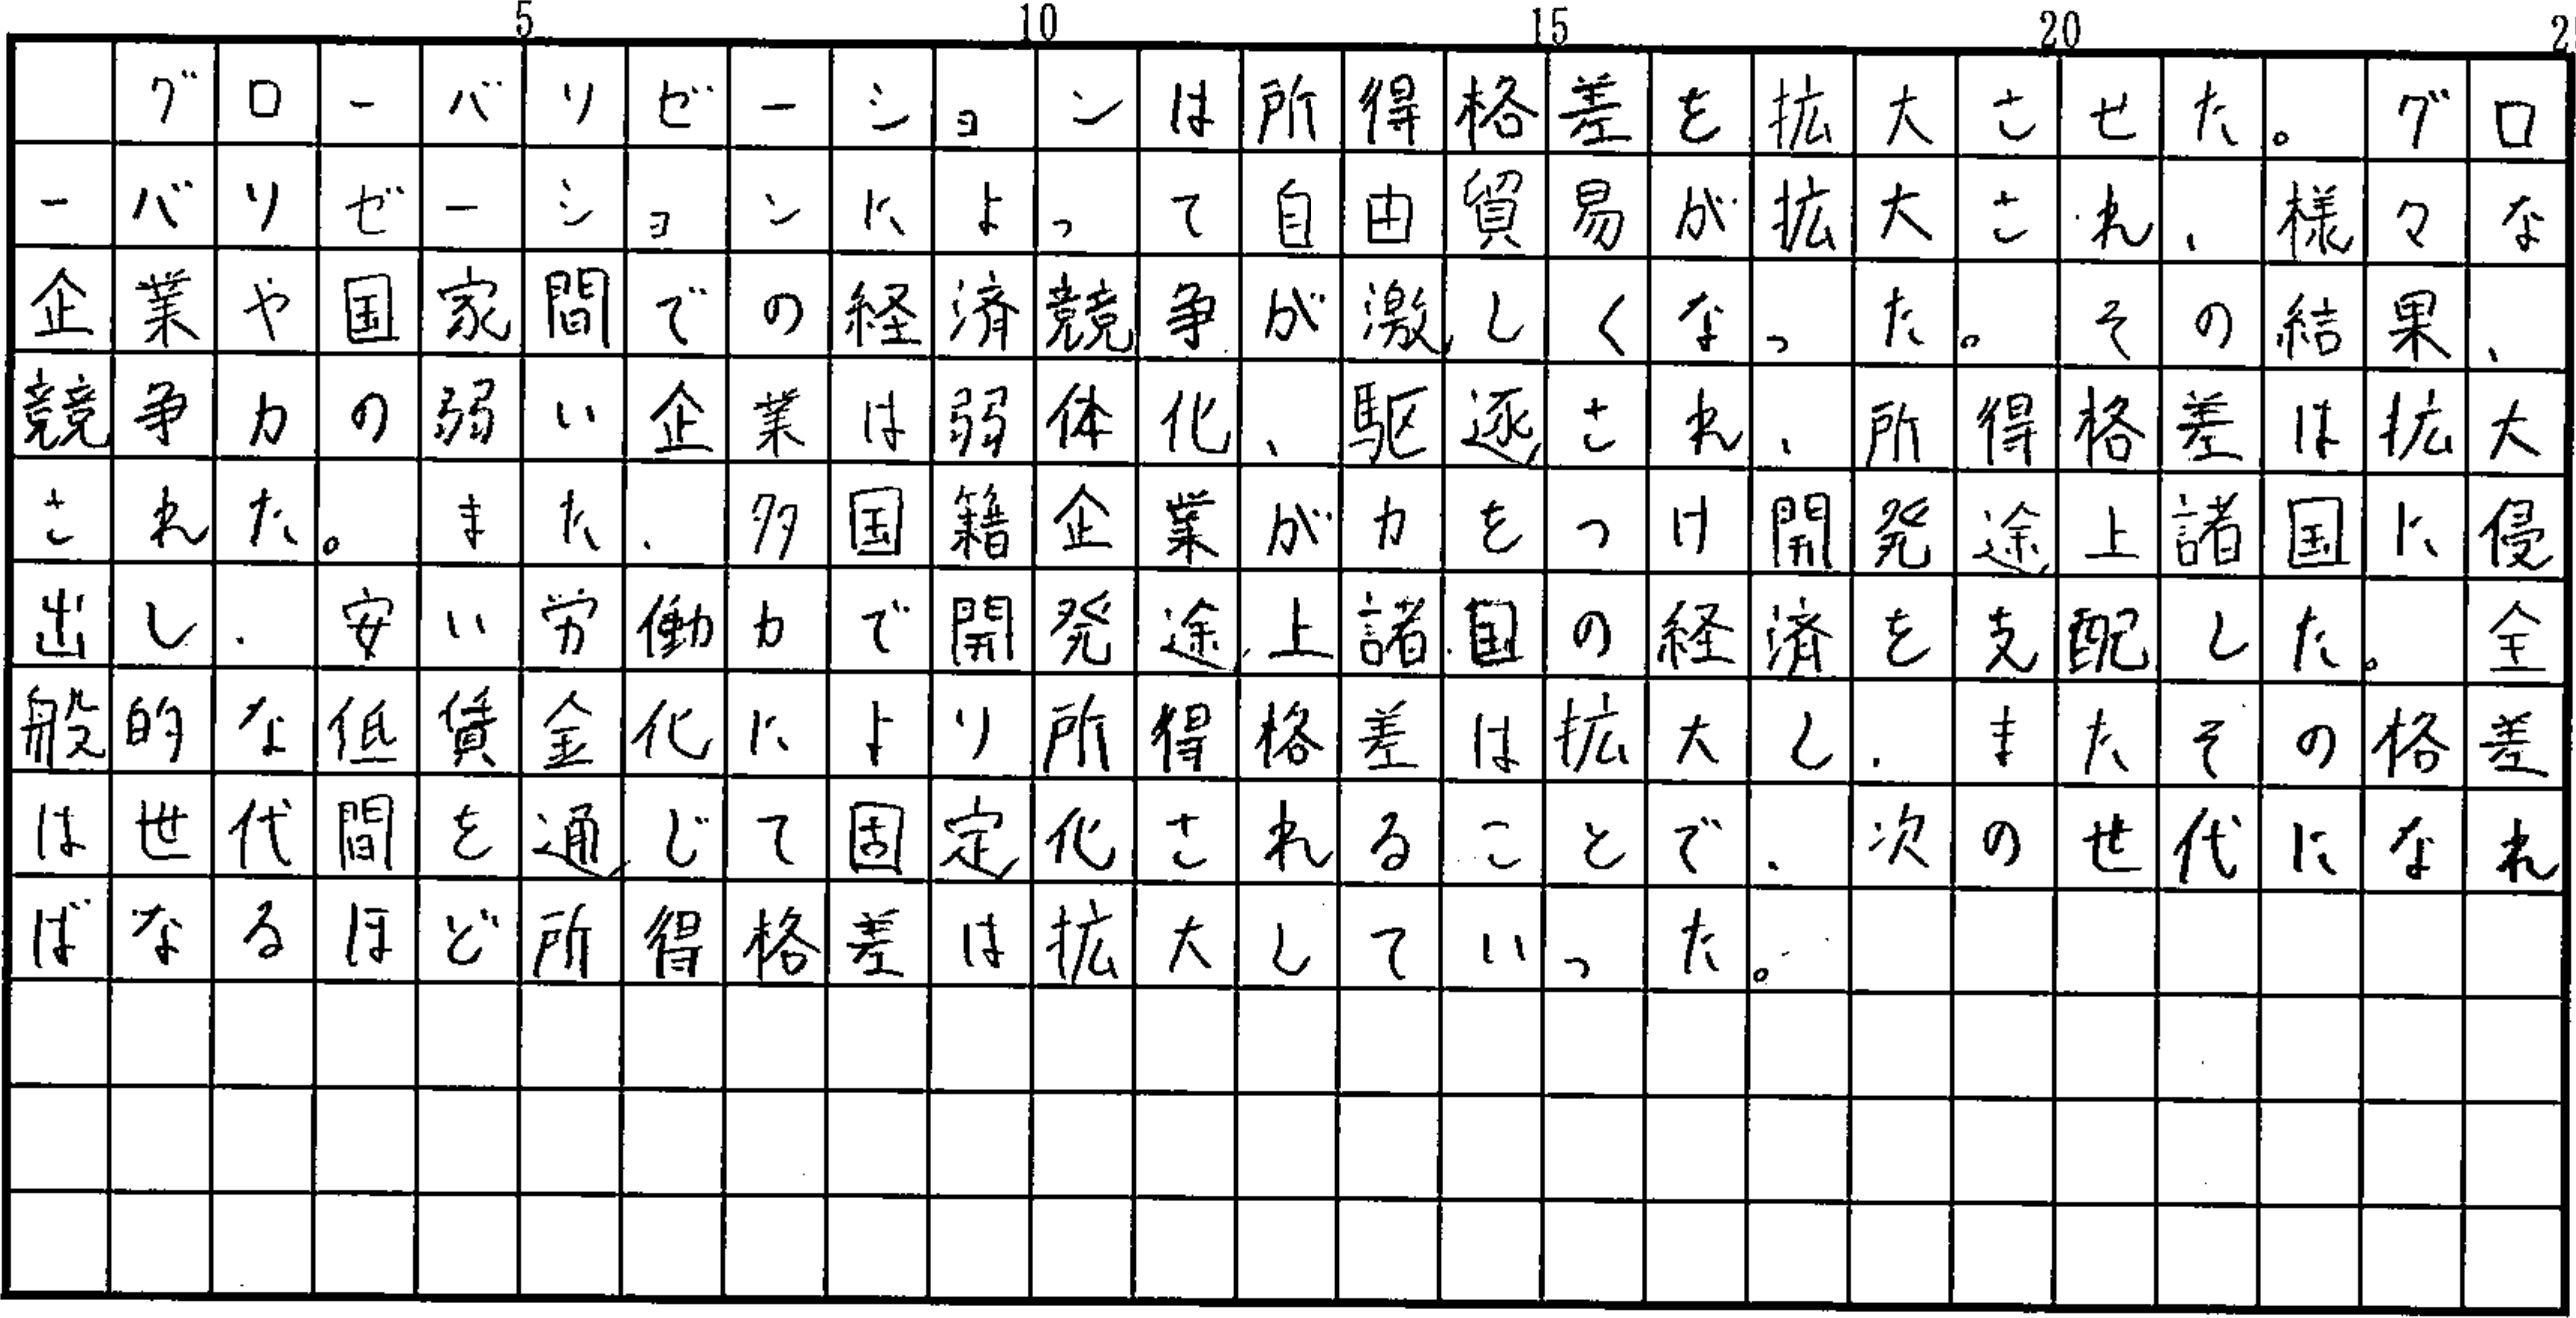　グローバリゼーションは所得格差を拡大させた。グローバリゼーションによって自由貿易が拡大され、様々な企業や国家間での経済競争が激しくなった。その結果、競争力の弱い企業は弱体化、駆逐され、所得格差は拡大された。また、多国籍企業が力をつけ開発途上諸国に侵出し、安い労働力で開発途上諸国の経済を支配した。全般的な低賃金化により所得格差は拡大し、またその格差は世代間を通じて固定化されることで、次の世代になればなるほど所得格差は拡大していった。
